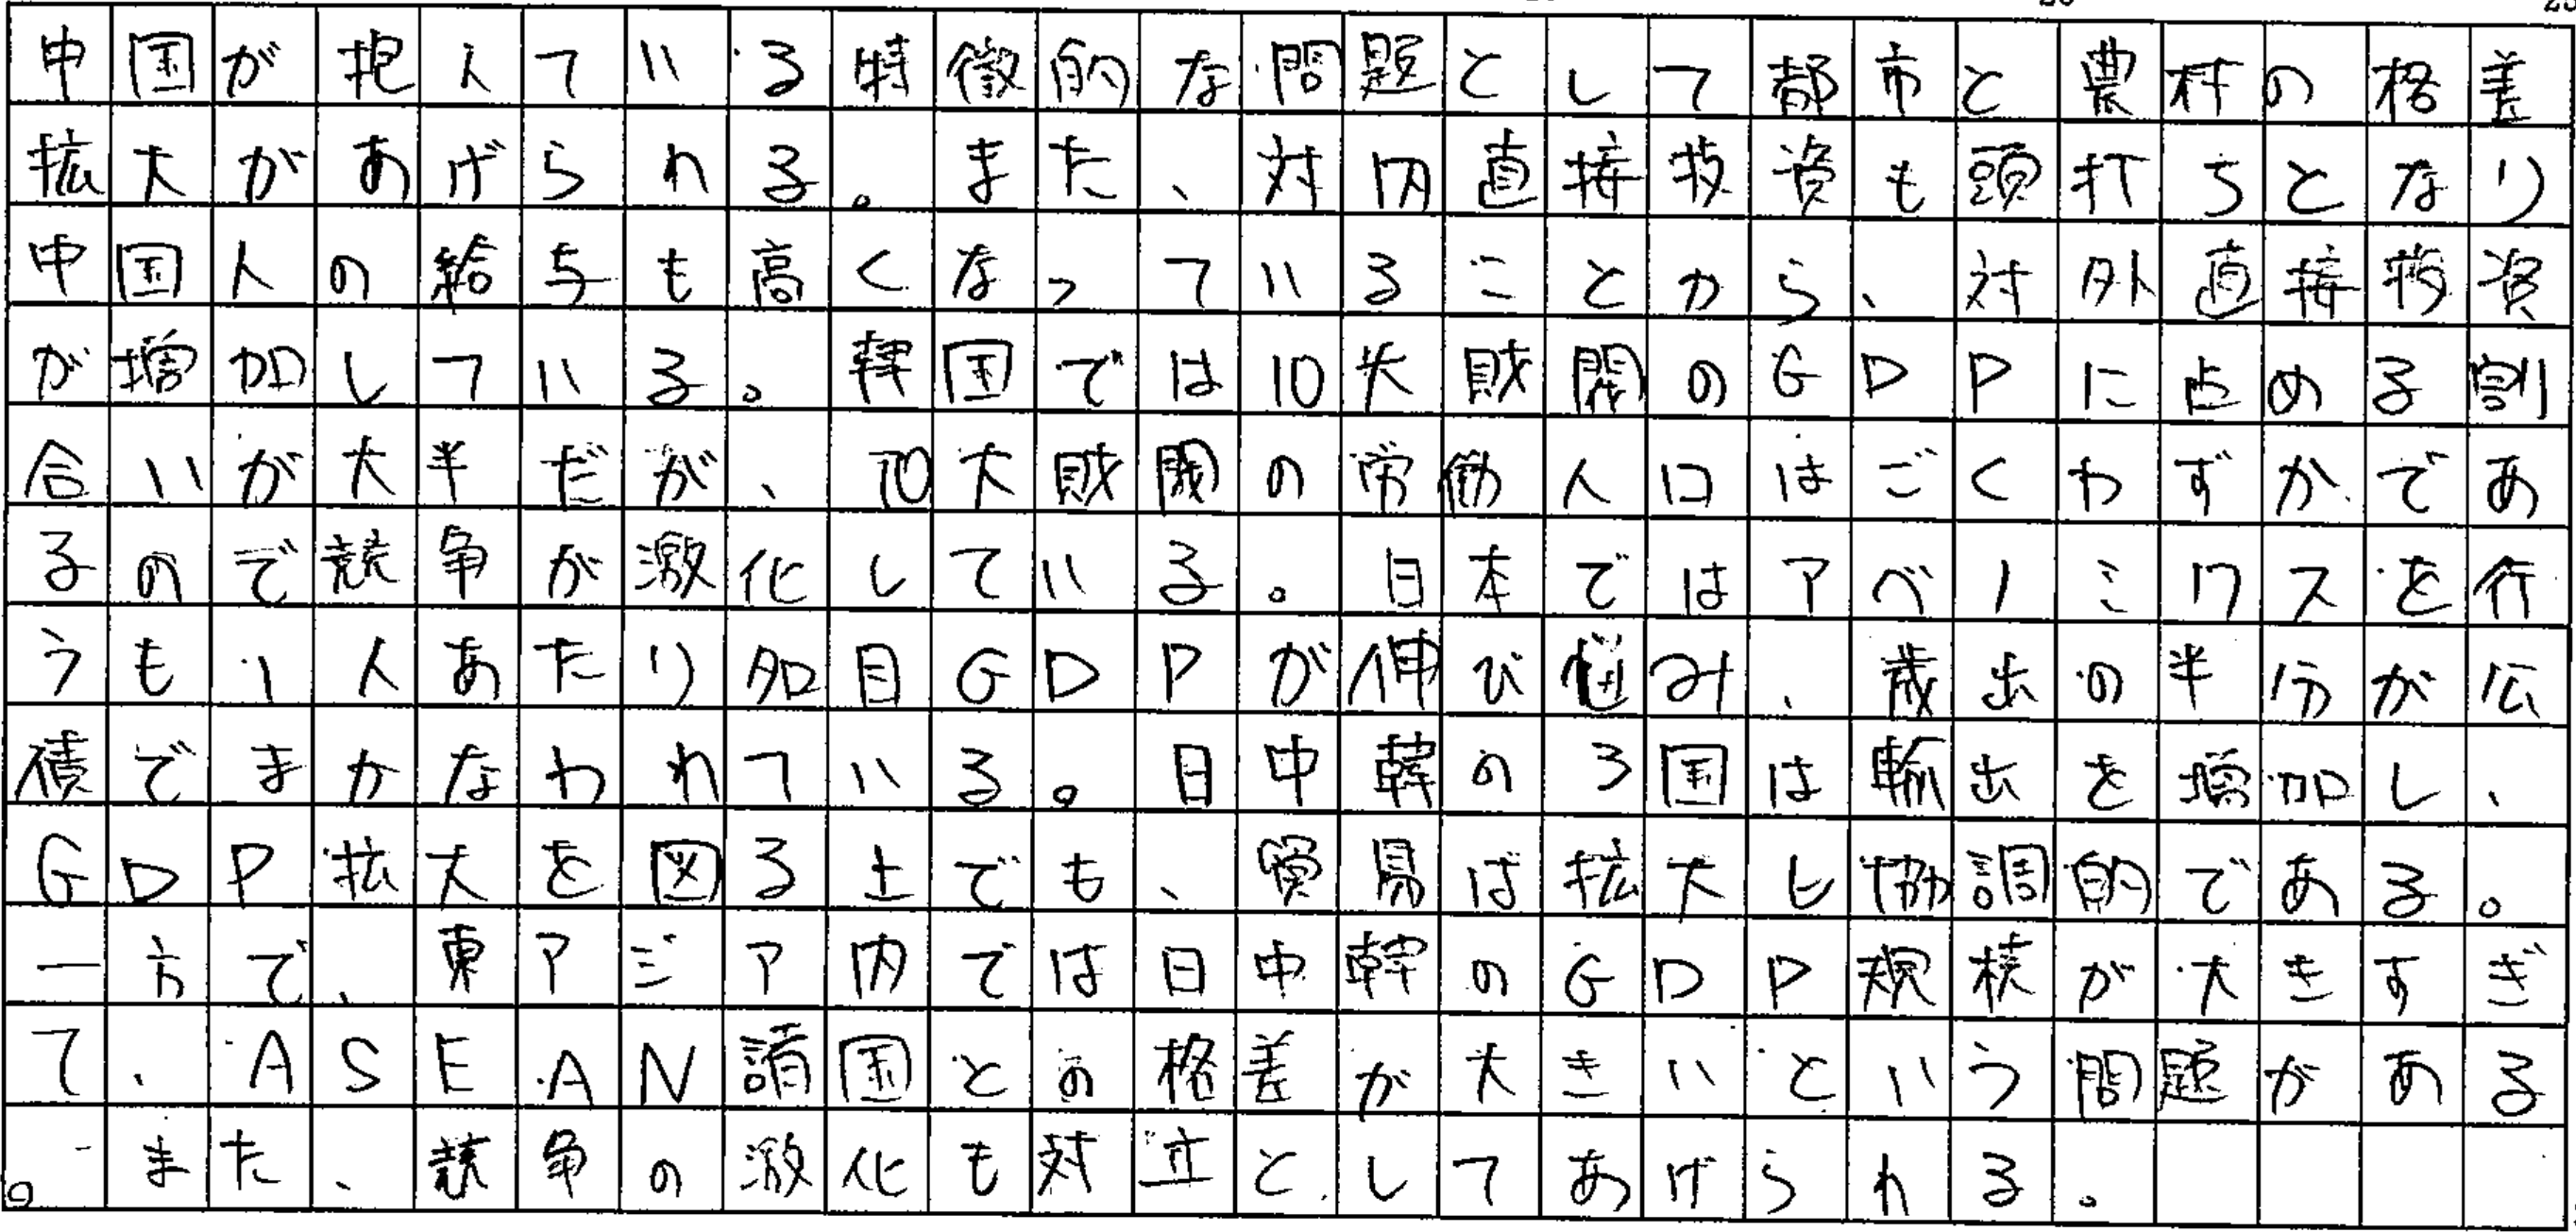中国が抱えている特徴的な問題として都市と農村の格差拡大があげられる。また、対内直接技資も頭打ちとなり中国人の給与も高くなっていることから、対外直接▁資が増加している。韓国では10大財閥のＧＤＰに占める割合いが大半だが、10大財閥の労働人口はごくわずかであるので競争が激化している。日本ではアベノミクスを行うも１人あたり名目ＧＤＰが伸び悩み、歳出の半分が公債でまかなわれている。日中韓の３国は輸出を増加し、ＧＤＰ拡大を図る上でも、貿易は拡大し協調的である。一方で、東アジア内では日中韓のＧＤＰ規模が大きすぎて、ＡＳＥＡＮ諸国との格差が大きいという問題がある。また、競争の激化も対立としてあげられる。
